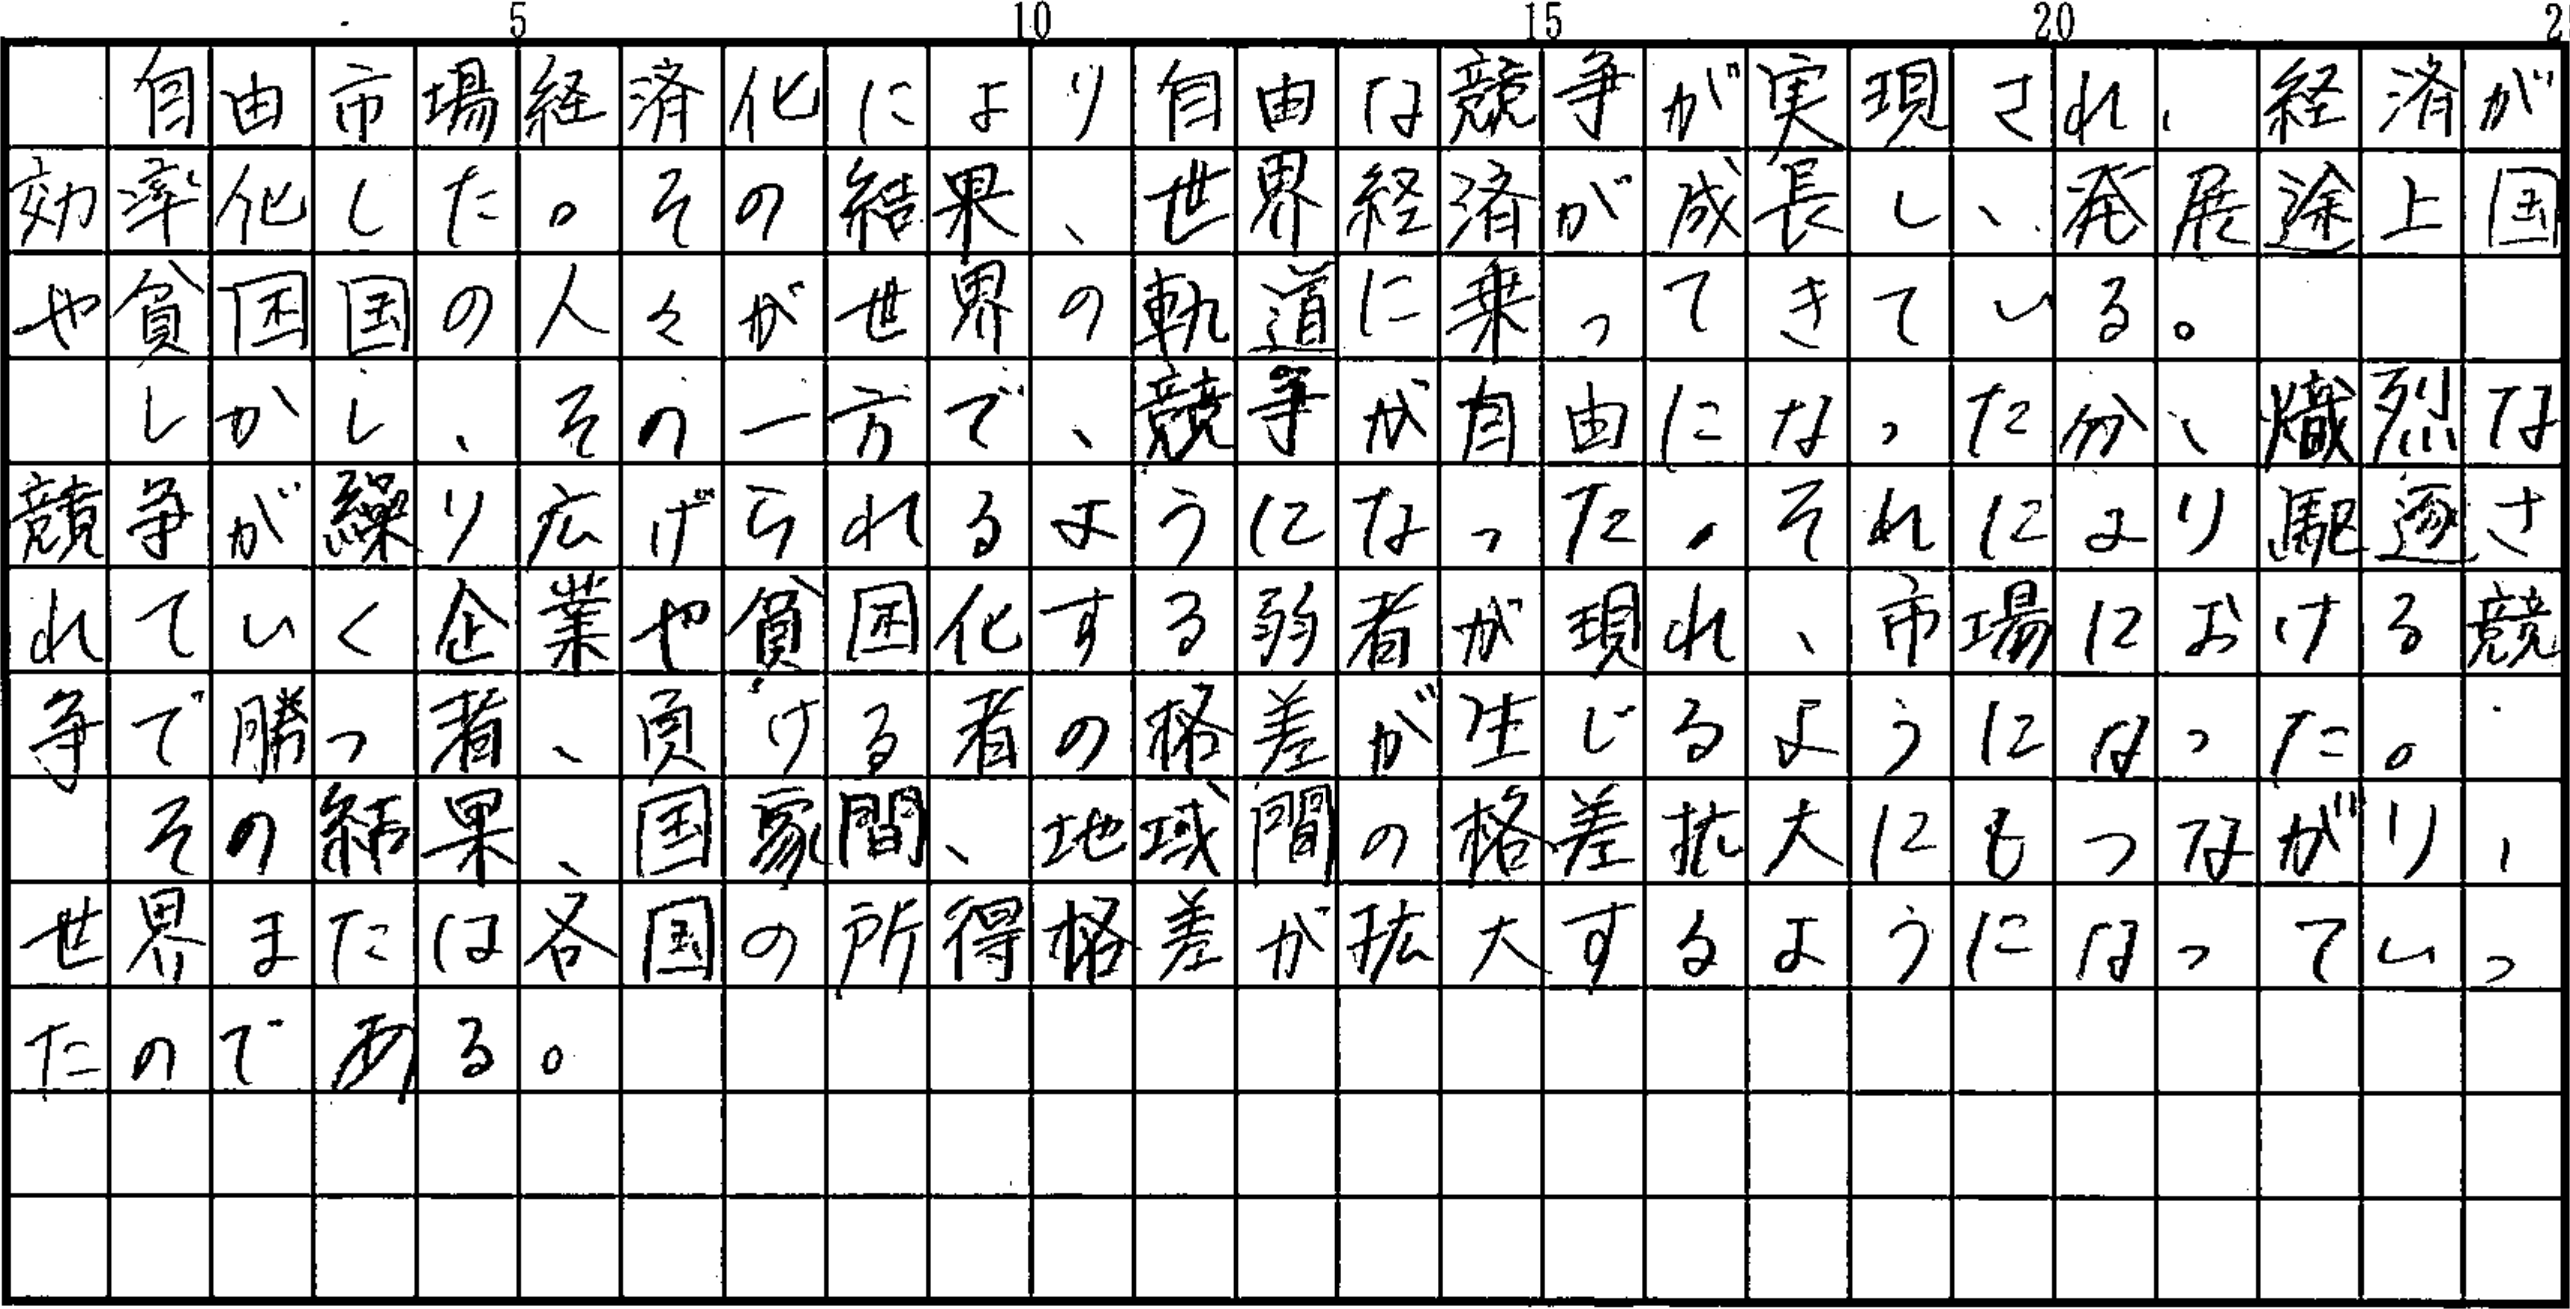　自由市場経済化により自由な競争が実現され、経済が効率化した。その結果、世界経済が成長し、発展途上国や貧困国の人々が世界の軌道に乗ってきている。
　しかし、その一方で、競争が自由になった分、熾烈な競争が繰り広げられるようになった。それにより駆逐されていく企業や貧困化する弱者が現れ、市場における競争で勝つ者、負ける者の格差が生じるようになった。
　その結果、国家間、地域間の格差拡大にもつながり、世界または各国の所得格差が拡大するようになっていったのである。
